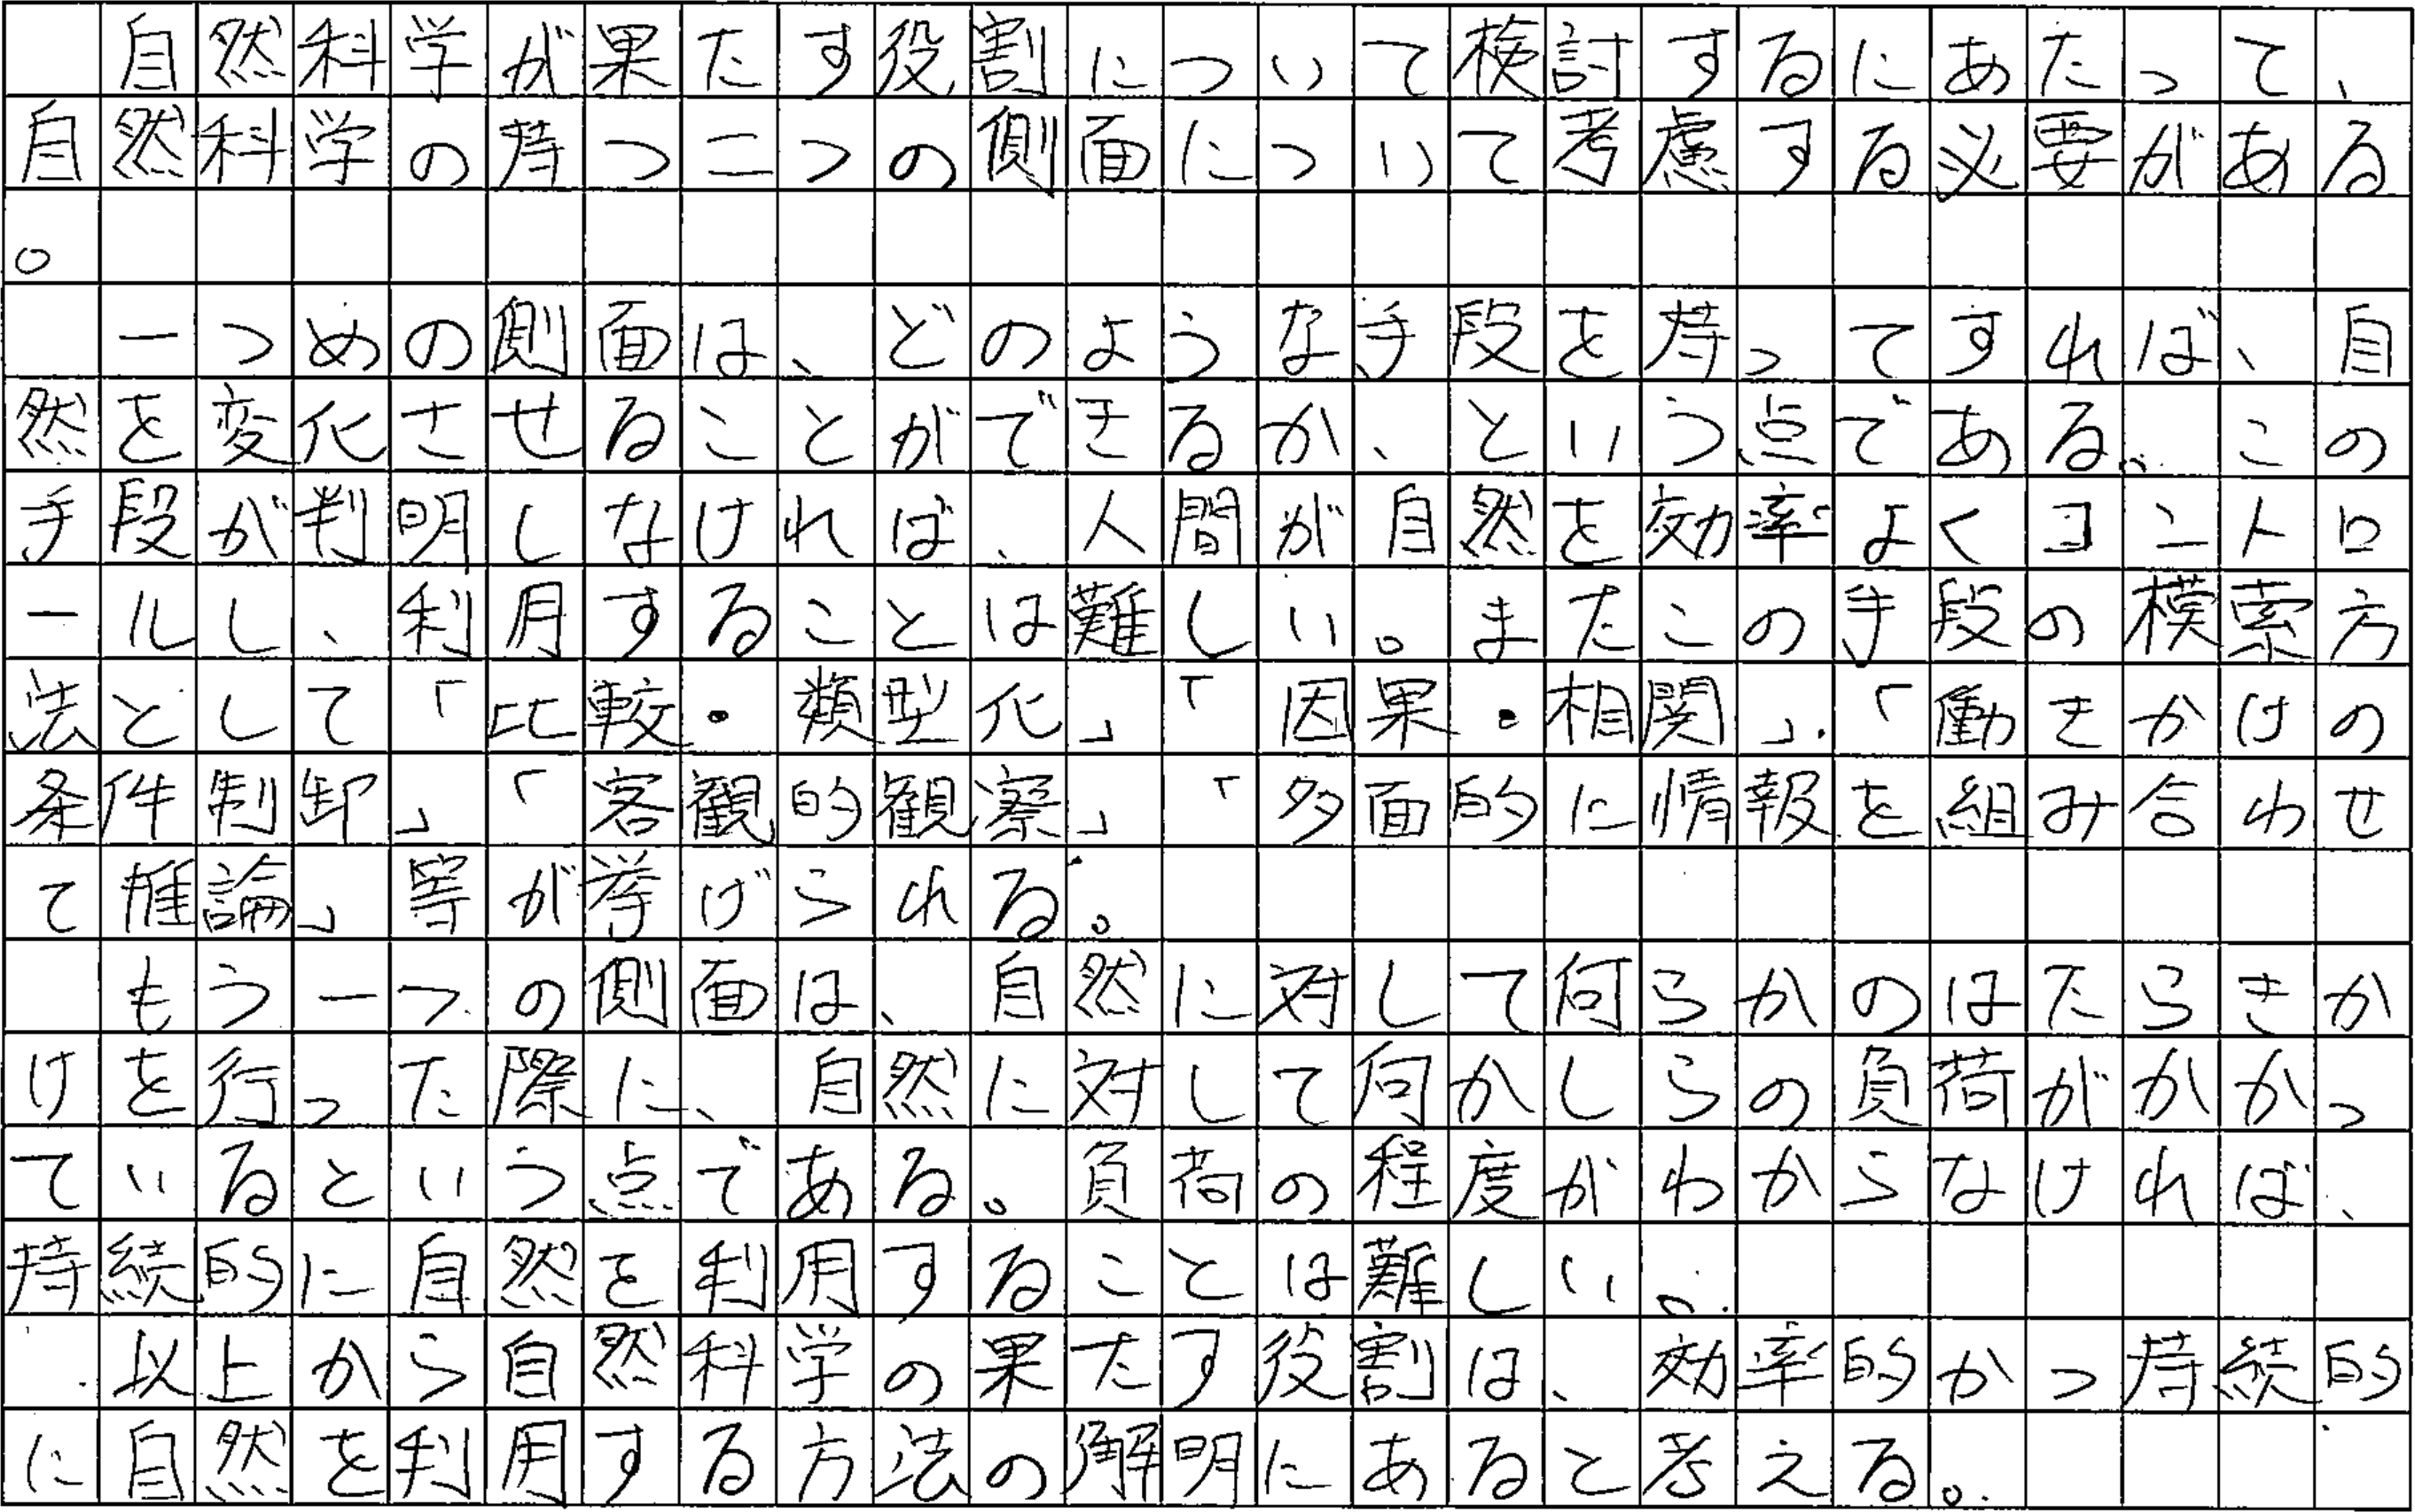　自然科学が果たす役割について検討するにあたって、自然科学の持つ二つの側面について考慮する必要がある。
　一つめの側面は、どのような手段を持ってすれば、自然を変化させることができるか、という点である。この手段が判明しなければ、人間が自然を効率よくコントロールし、利用することは難しい。またこの手段の模索方法として「比較・類型化」「因果・相関」「働きかけの条件制卸」「客観的観察」「多面的に情報を組み合わせて推論」等が挙げられる。
　もう一つの側面は、自然に対して何らかのはたらきかけを行った際に、自然に対して何かしらの負荷がかかっているという点である。負荷の程度がわからなければ、持続的に自然を利用することは難しい。
　以上から自然科学の果たす役割は、効率的かつ持続的に自然を利用する方法の解明にあると考える。
